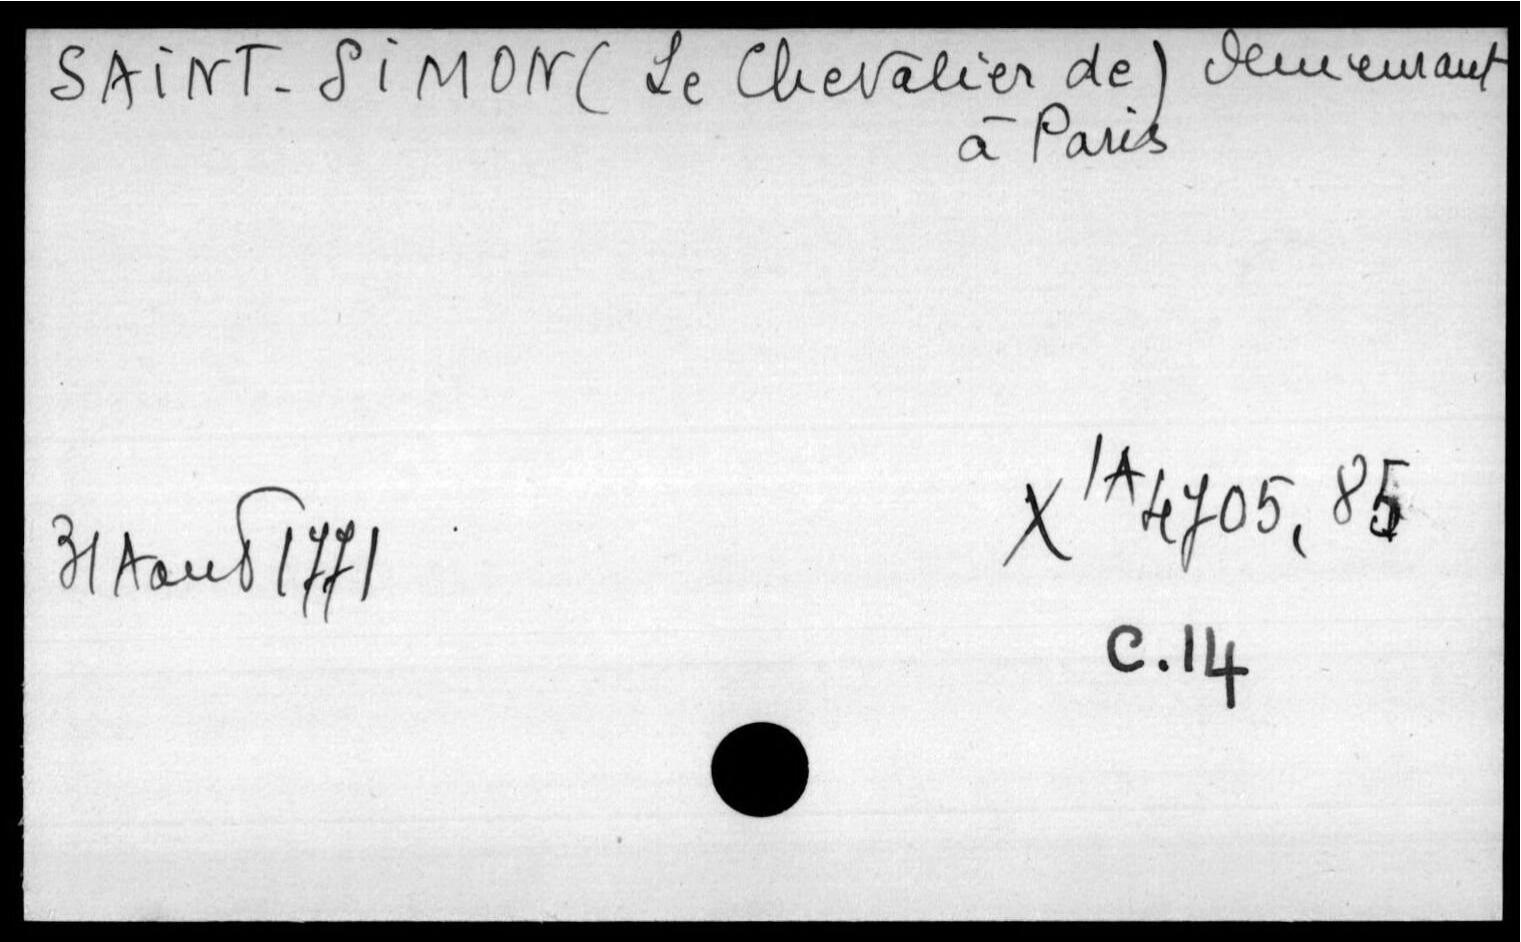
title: SAINT-SIMON (Le Chevalier de) demeurant à Paris
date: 31 août 1771
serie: X1A
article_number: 4705
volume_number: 85 Conseil, 14
